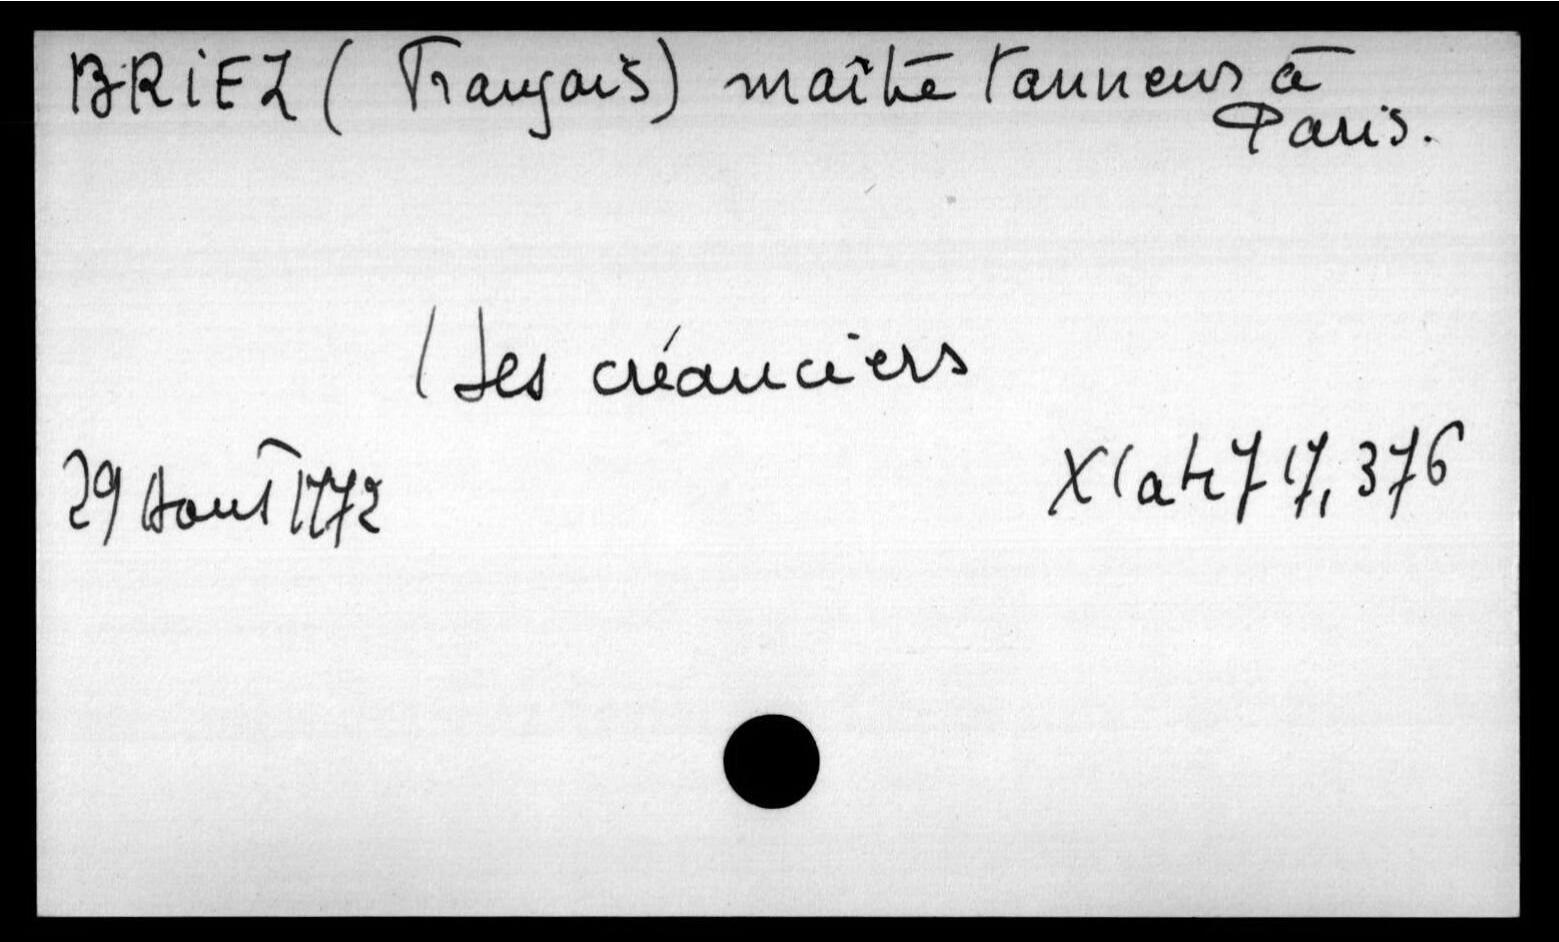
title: BRIEZ (François) maître tanneur à Paris.
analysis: Contre Ses créanciers
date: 29 août 1772
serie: X1a
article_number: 4717
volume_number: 376
